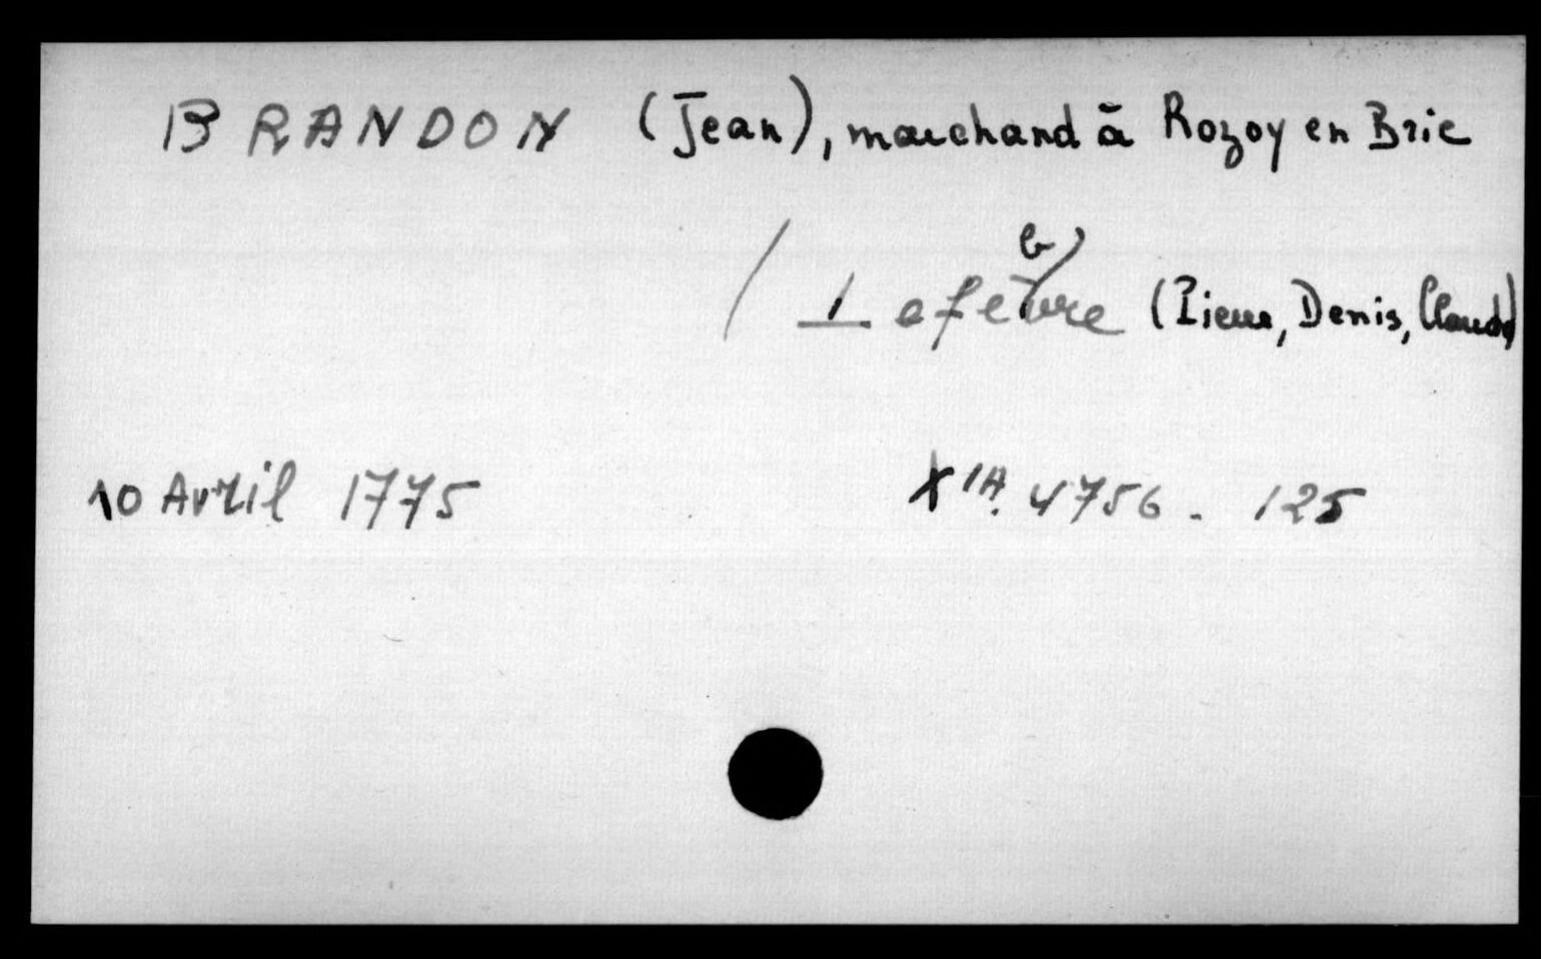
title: BRANDON (Jean), marchand à Rozoy en Brie
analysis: Contre Lefebvre (Pierre, Denis, Claude)
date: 10 avril 1775
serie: X1A
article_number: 4756
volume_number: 125
